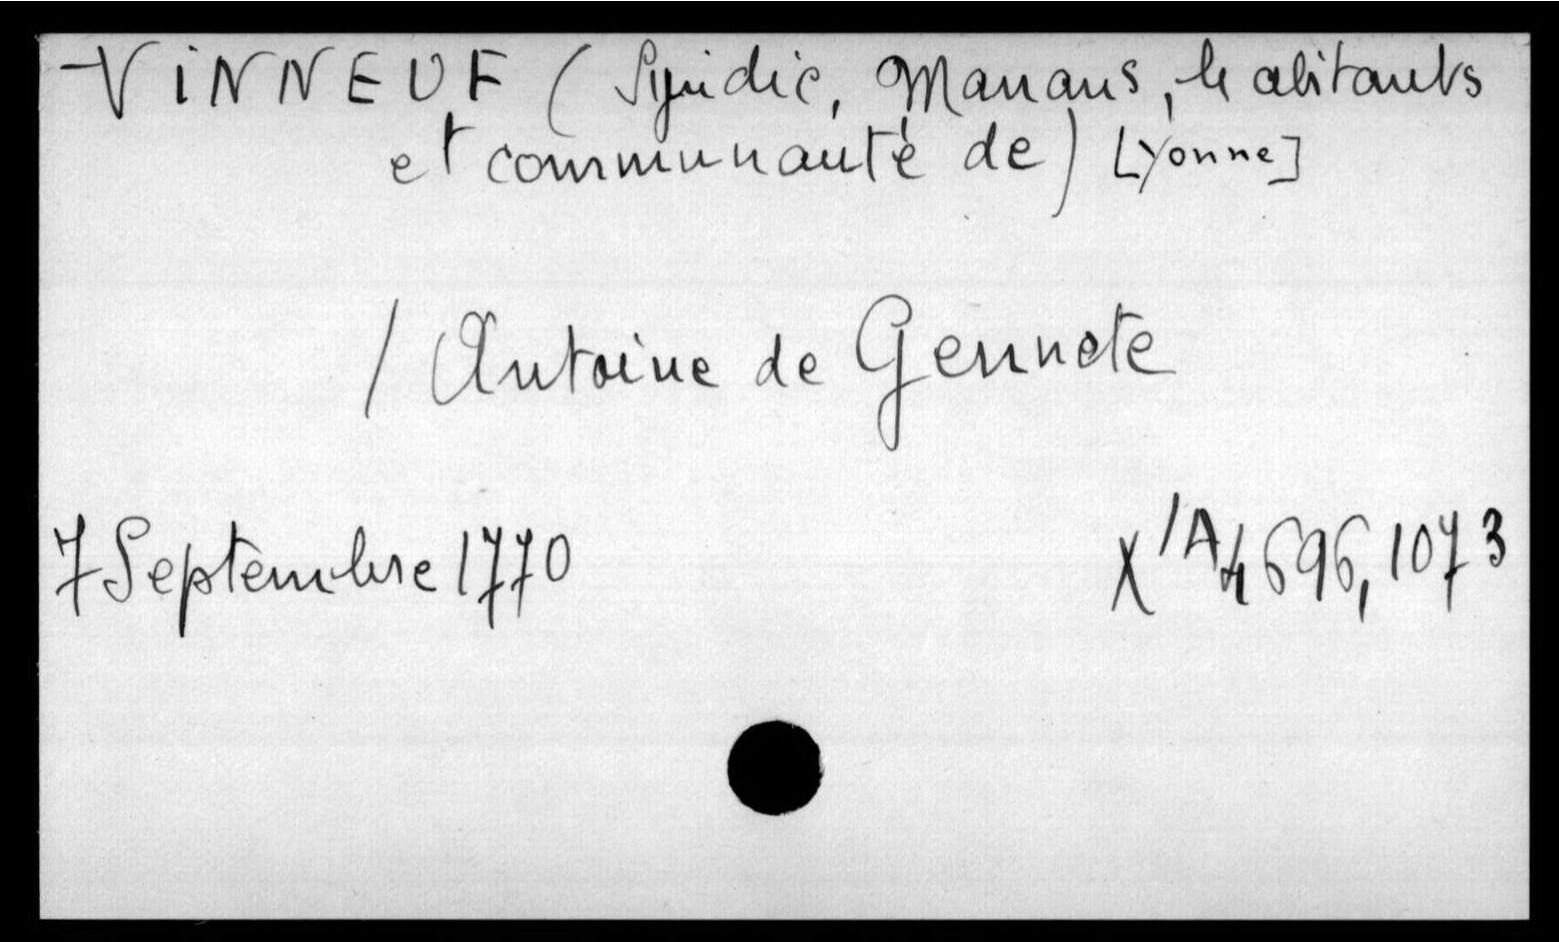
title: VINNEUE (Sindic, Manans, habitants et communauté de) [Yonne]
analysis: Contre Antoine de Gennote
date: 7 septembre 1770
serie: X1A
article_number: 4696
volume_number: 1073
